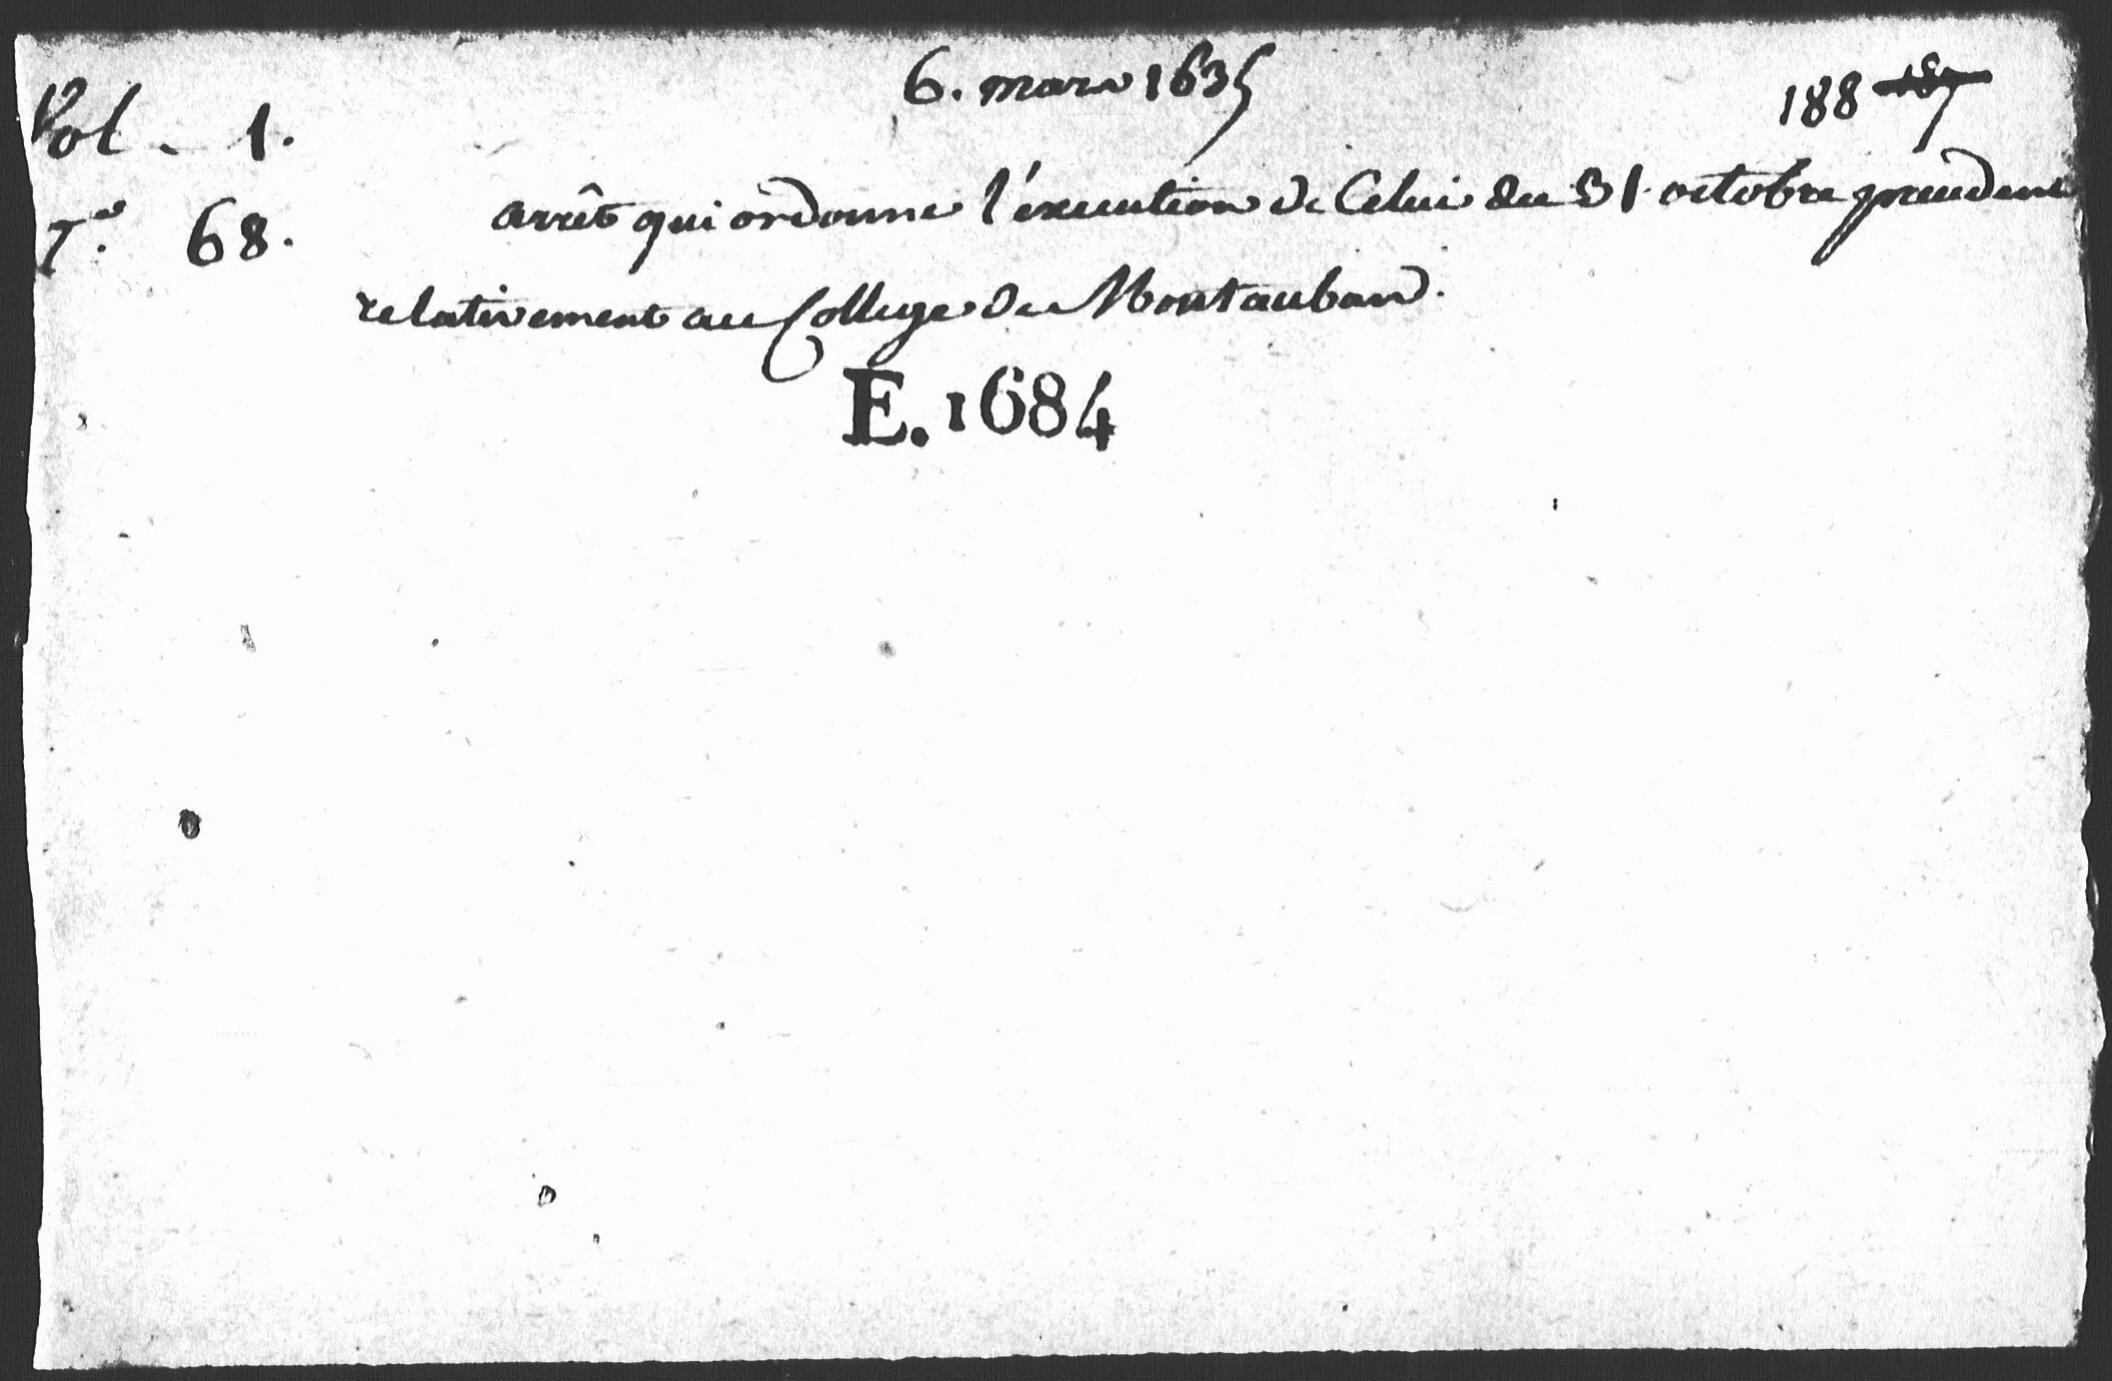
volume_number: n°68
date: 6 mars 1635
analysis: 188 [187 barré]
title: arrêt qui ordonne l'execution de celui du 31 octobre precedent relativement au college de Montauban.
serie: E
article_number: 1684
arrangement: vol. 1
